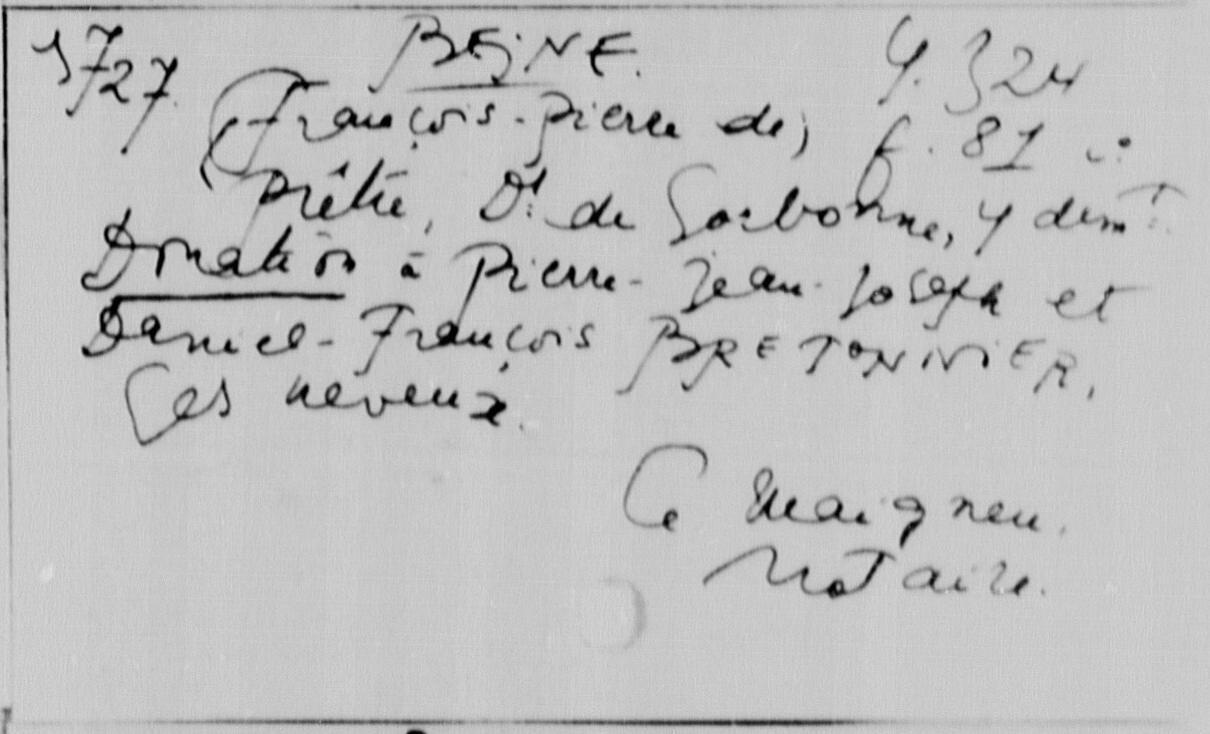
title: BEINE (François-Pierre de)
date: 1727
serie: Y
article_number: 324
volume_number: fol. 81 v
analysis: Prêtre, docteur de Sorbonne, y demeurant. Donation à Pierre-Jean-Joseph et Daniel François BRETONNIER, ses neveux. Le Maigneu, notaire
